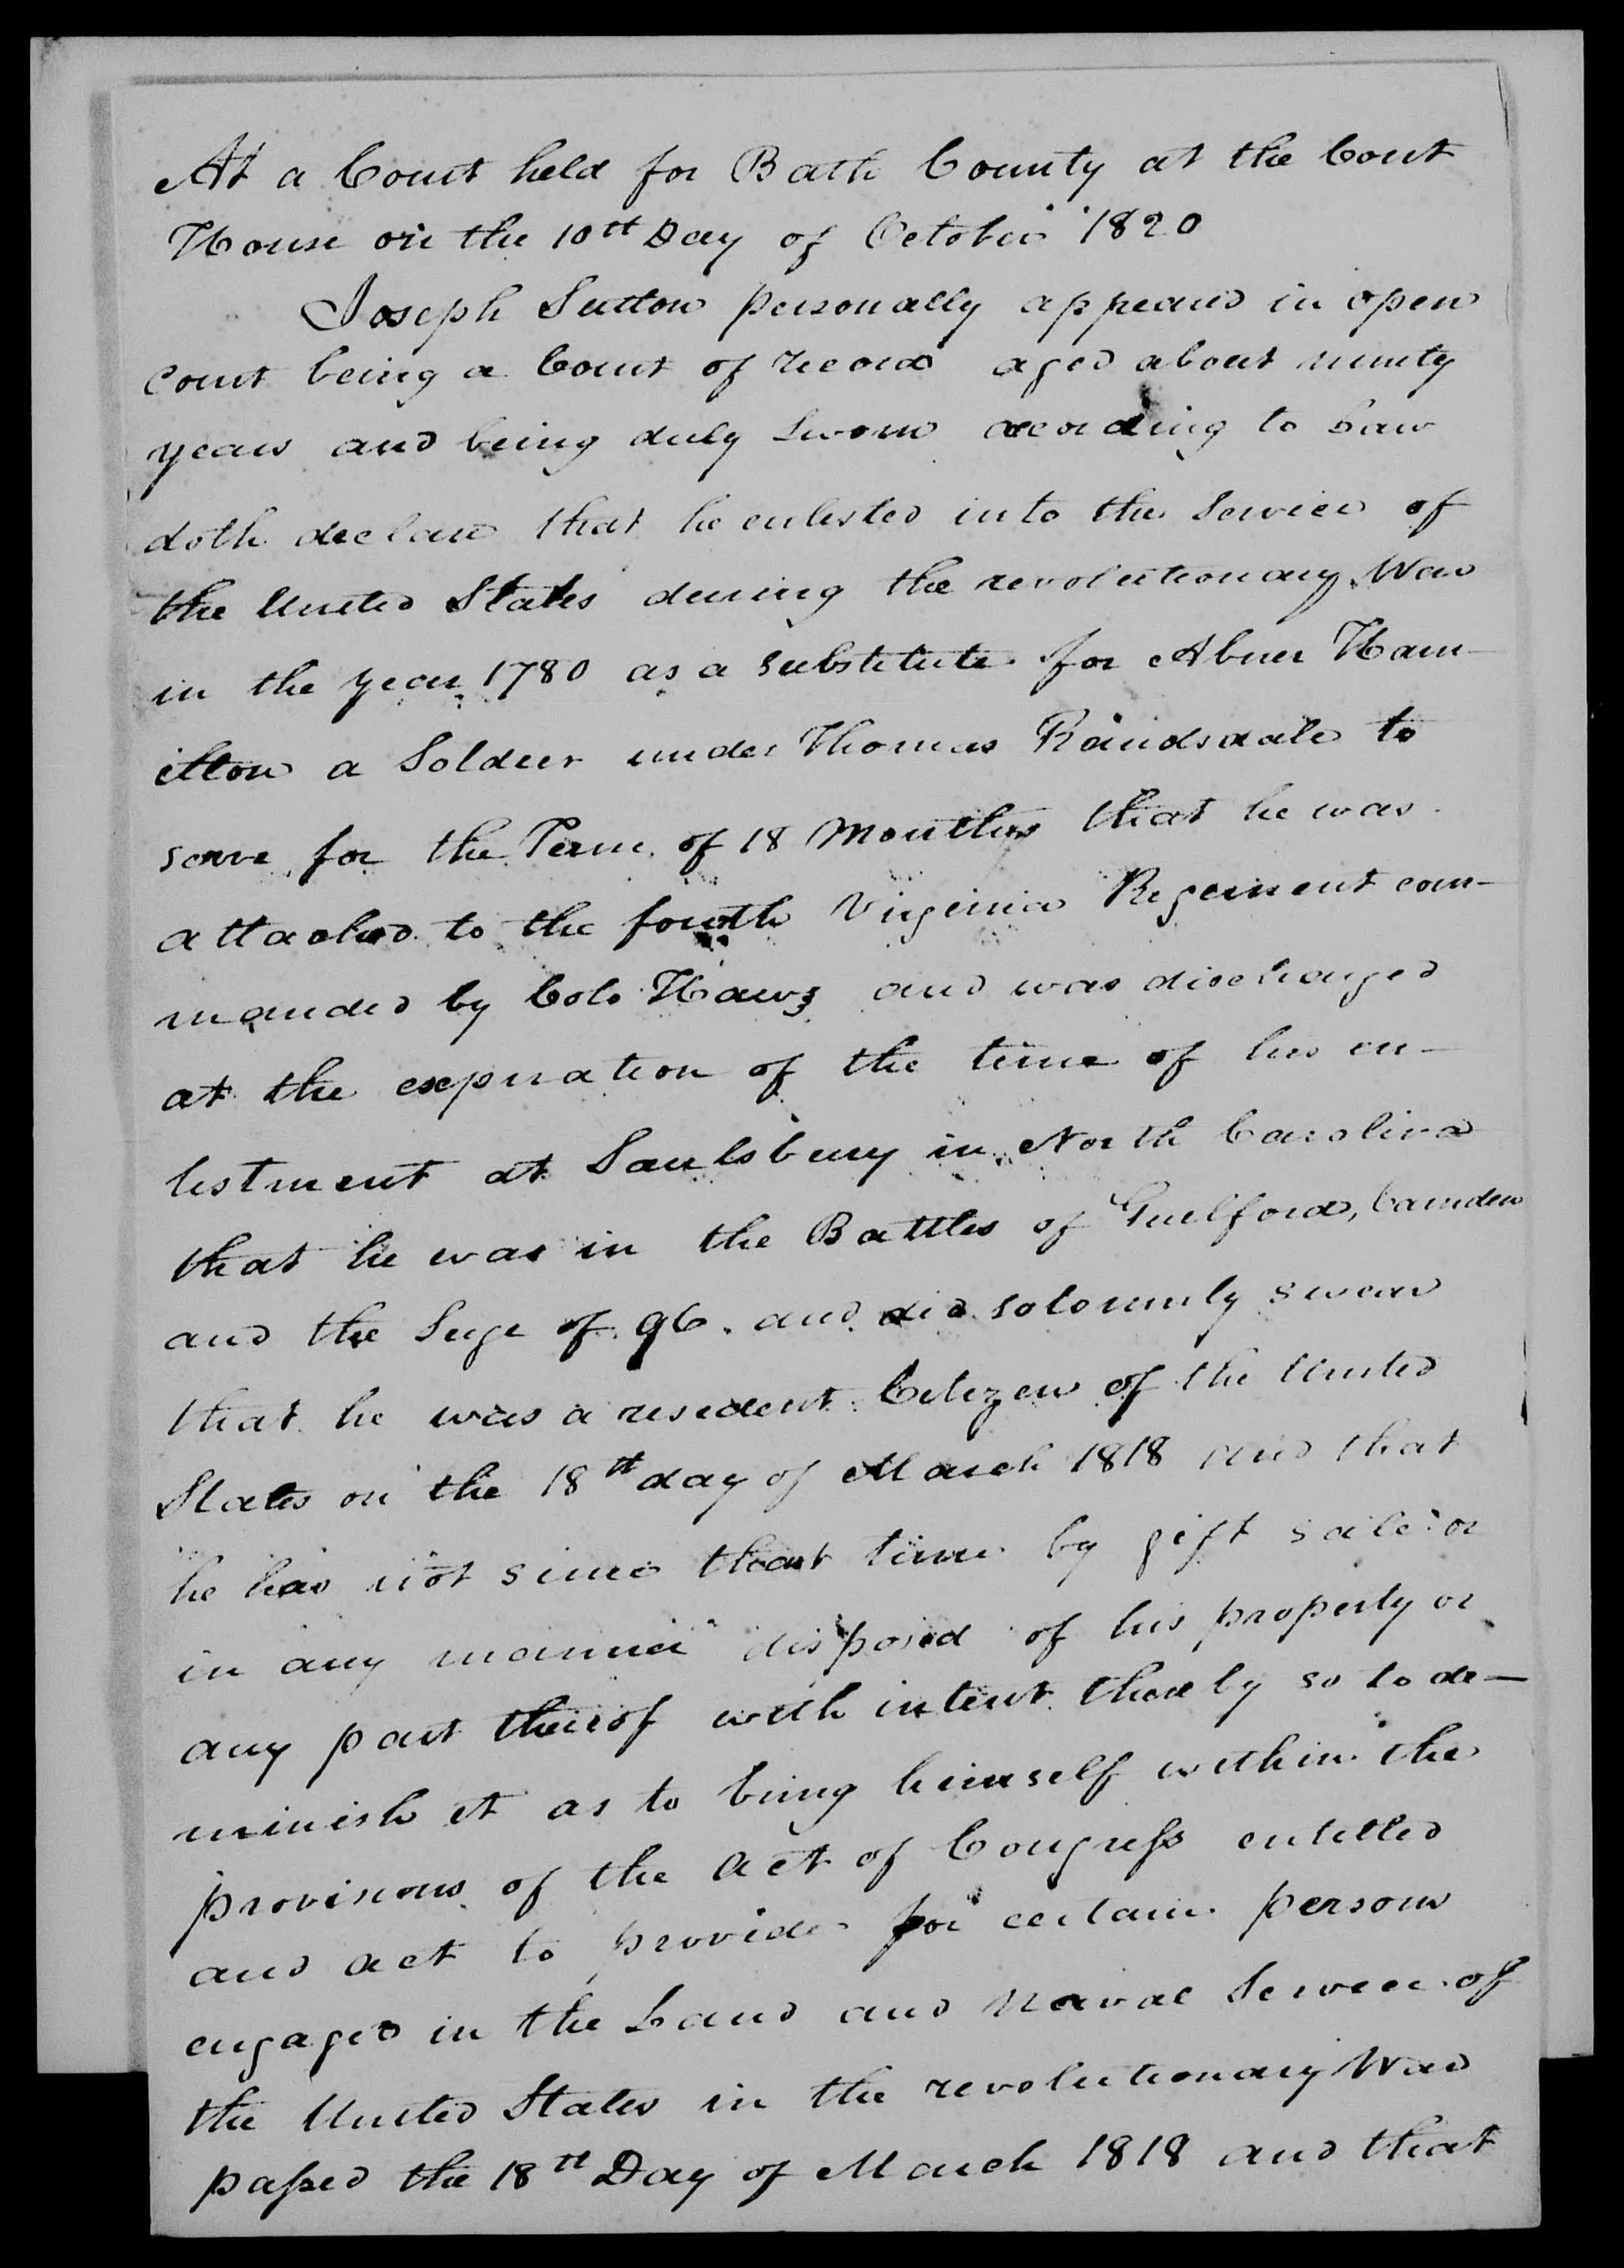At a court held for Bath County at the court House on the 10th day of October 1820.

Joseph Sutton personally appeared in open court being a court of records aged about ninety years and being duly sworn according to law doth declare that he  enlisted into the service of the United States during the revolutionary war in the year 1780 as a substitute for Abner howe Stone a soldier under Thomas Boiridsdale to serve for the term of 18 months that he was attached to the fourth Virginia regiment commanded by Cole Howe and was discharged at the expiration of the time of his enlistment at Saulsbury in North Carolina that he was in the battles of Guilford Courthouse and the siege of 96. due solemnly swear that he was a resident citizen of the United States on the 18th day of March 1818 and that he has not since that time by gift sale or in any manner despaired of his property or any part thereof with interest that by sol diminish it as to bring himself within the provisions of the act of Congress entitled and act to provide for certain persons engaged in the law and naval service of the United States in the revolutionary war papered the 18th day of March 1818 and that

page: 4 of 21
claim: survivor's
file: S. 41223, for Joseph Sutton, Virginia